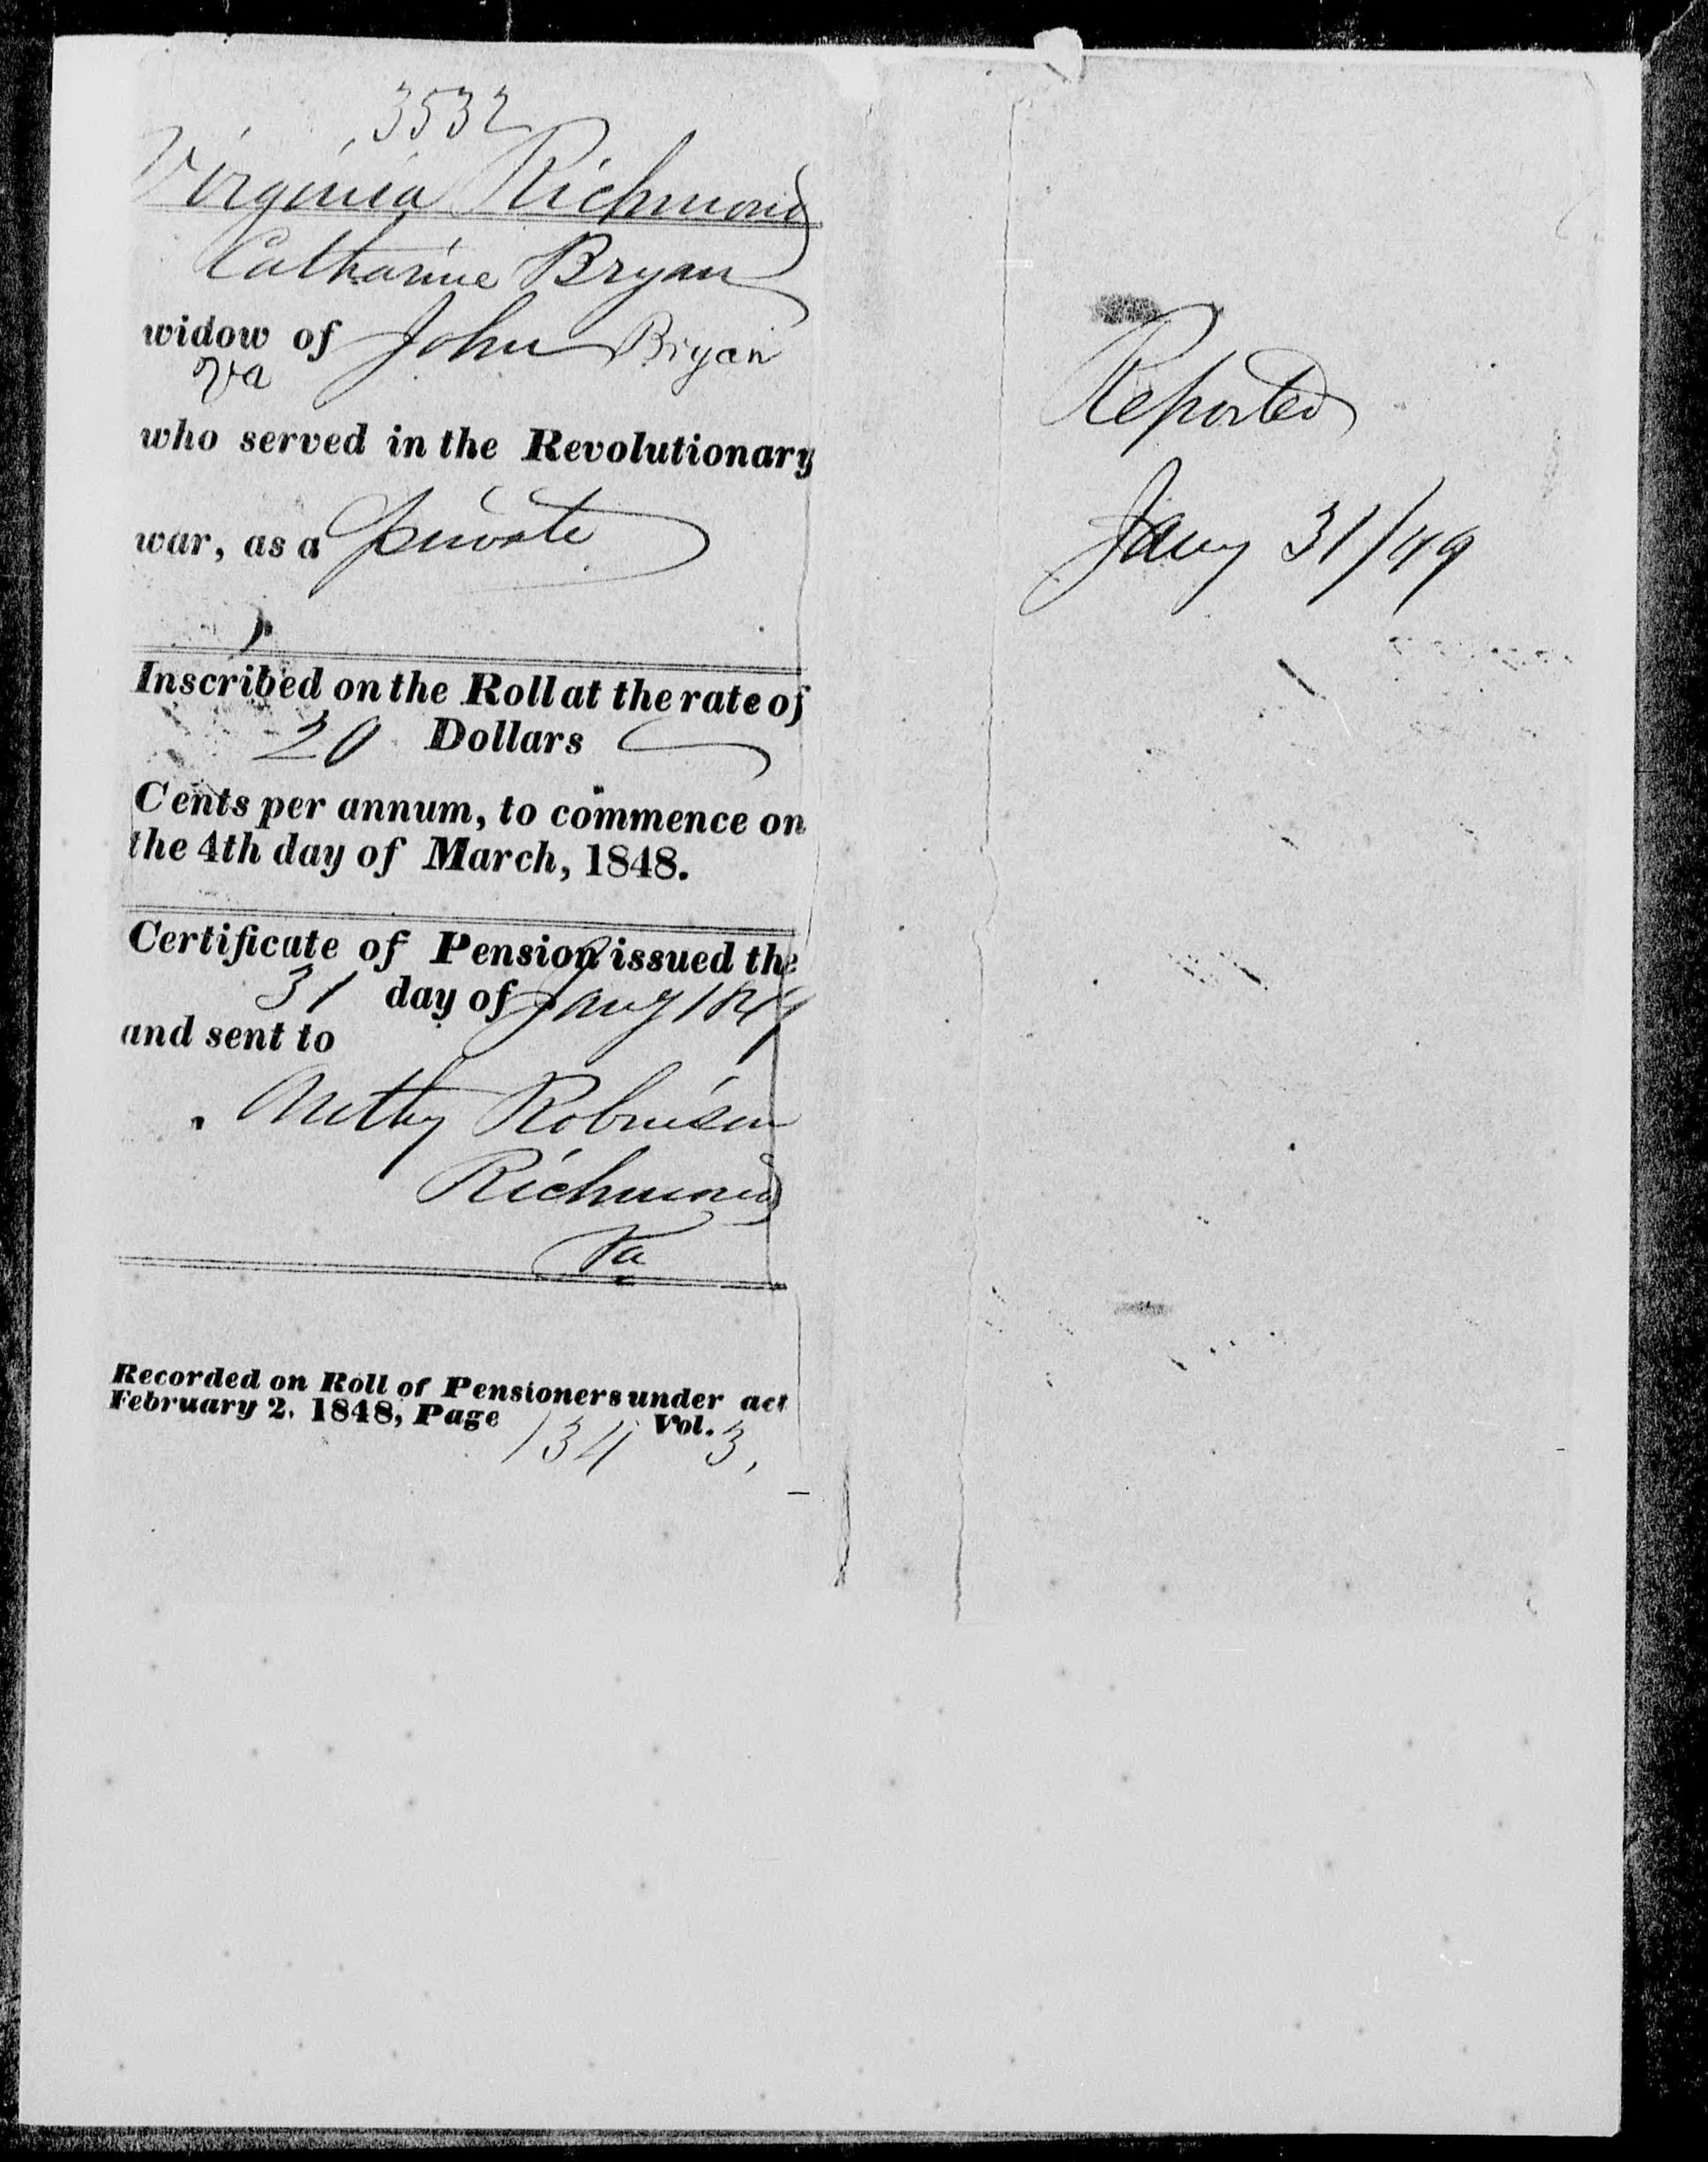(Left Side) 

3532 
Virginia, Richmond 
Catharine Bryan 
widow of John Bryan
Va
who served in the Revolutionary 
war, as a privateer 
Inscribed on the Roll at the rate of 
20 Dollars
Cent per annum, to commence on 
the 4th day of March 1848. 
Certificate of Pension issued the 
31 day of Aug 1849 
and sent to 
Metty Robinson 
Richmond Va
Recorded on Roll of Pensioners under act February 2, 1848, Page 134 Vol. 3

(Right Side)

Reported 
January 31/49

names: John Bryan, Catharine Bryan, Anthy Robinson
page: 2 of 31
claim: widow's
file: W. 3759, John Bryan, Va.